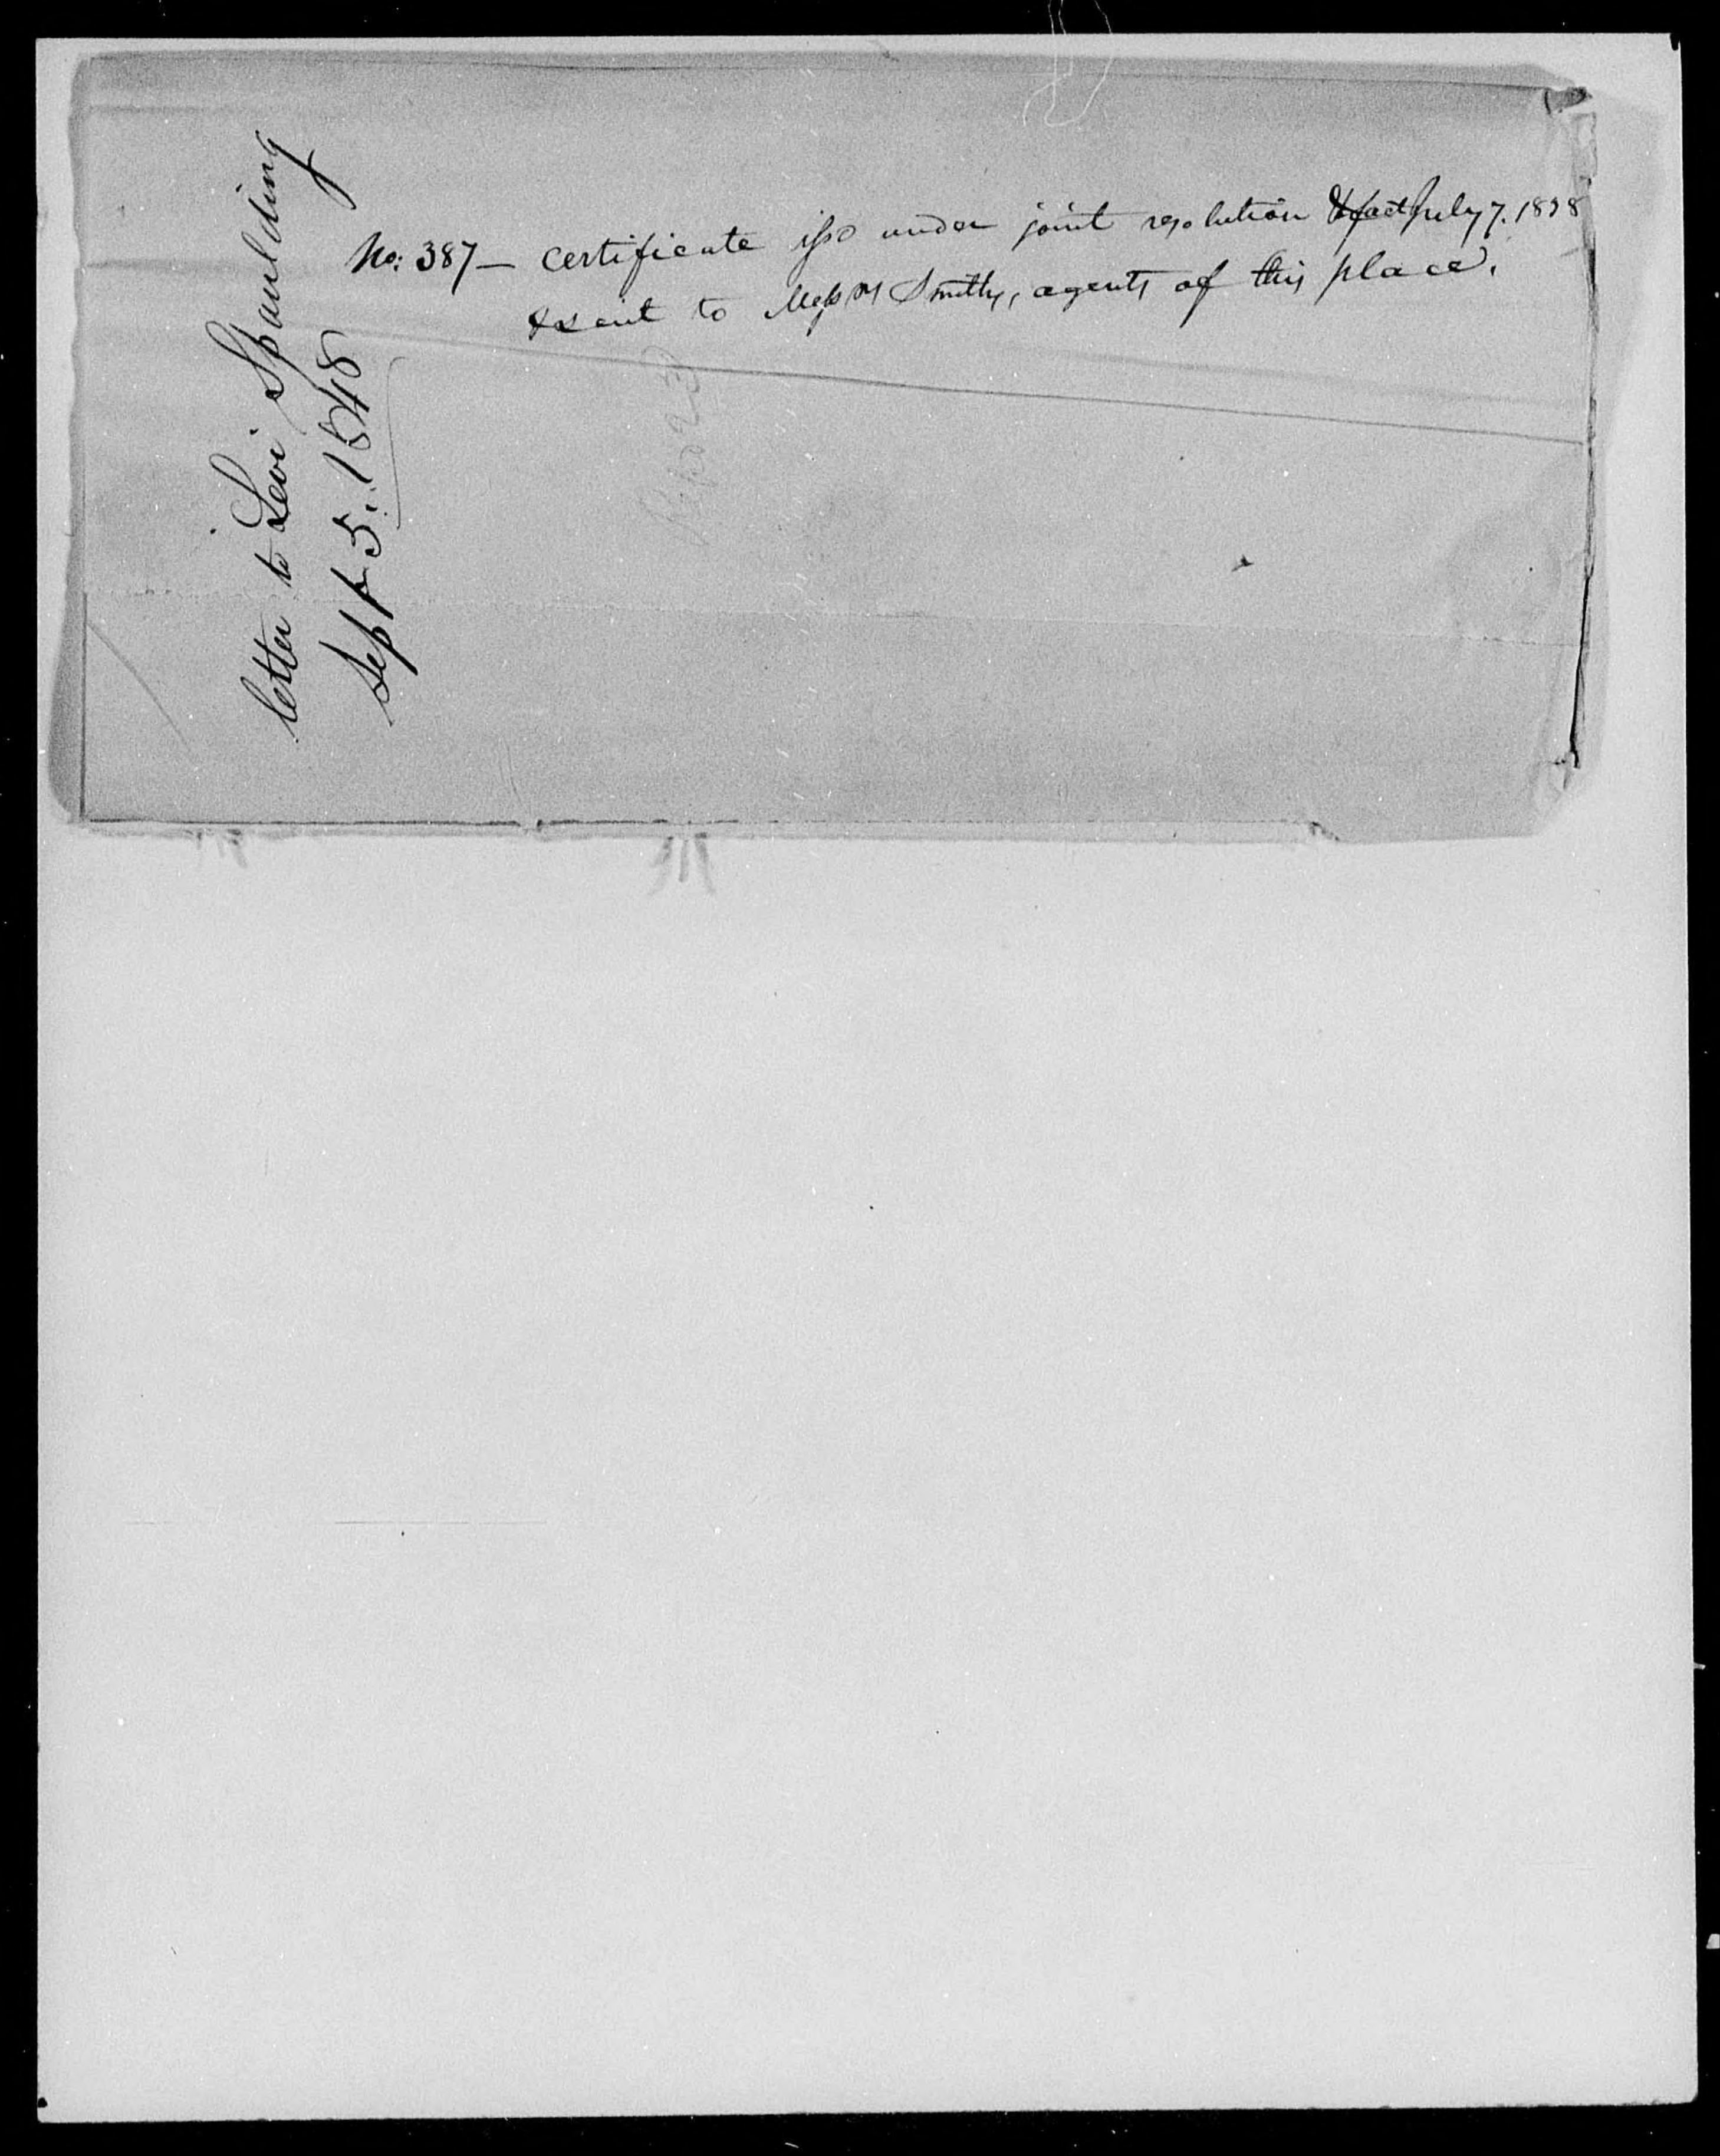No. 387 - certificate issd under joint resolution dated July 7, 1838
& sent to Messr Smith, agents of this place.

[written along left margin]
letter to Levi Spaulding Sept 5 1848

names: Smith, Levi Spaulding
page: 22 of 61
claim: widow's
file: W. 19500, Samuel Thing Gilman, Continental N.H.